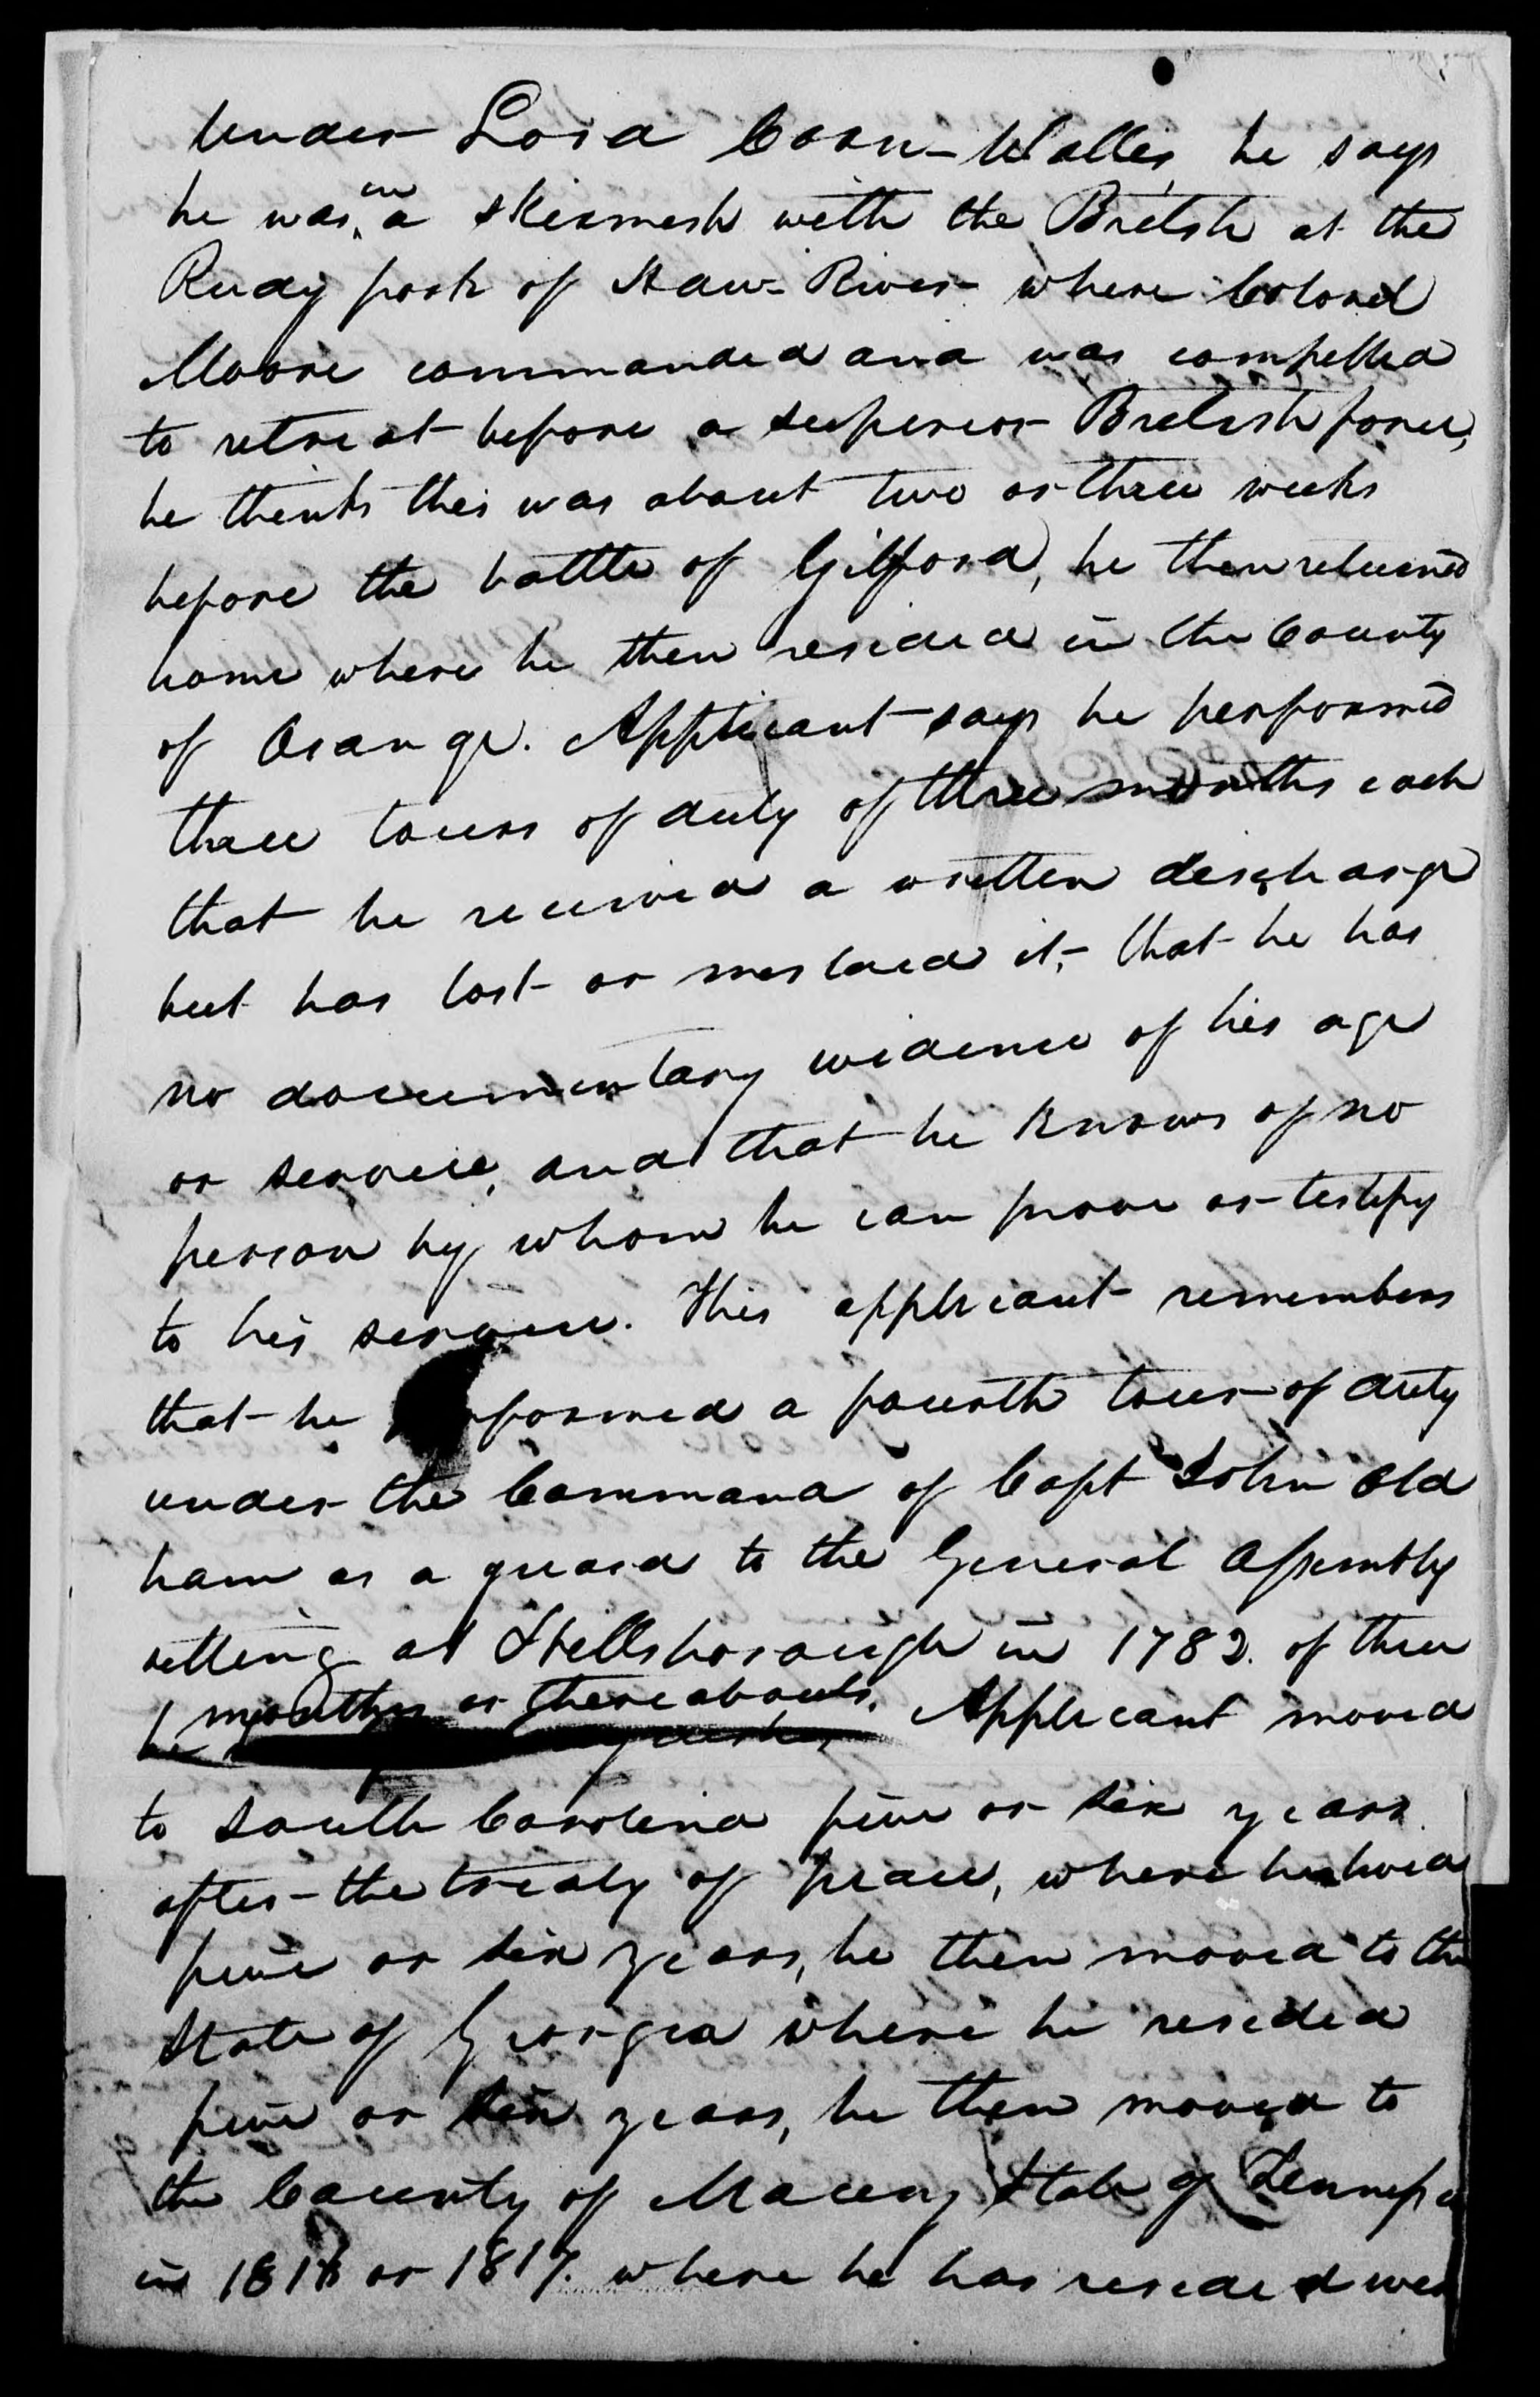under Lord Cornwallis he says he was in a skirmish with the British at the Rudy fork of the Haw River when Colonel Moore commanded and was compelled to retreat before a superior British force, he thinks this was about two or three weeks before the battle of Gilford [Guilford], he then returned home where he then resided in the County of Orange. Applicant says he performed three tours of duty of three months each that he received a written discharge but has lost or misplaced it, that he has no documentary evidence of his age or service and that he knows of no person by whom he can prove or testify to his service. This applicant remembers that he performed a fourth tour of duty under the command of Capt. John Oldham as a guard to the General assembly setting at Hillsborough in 1782 of three months or thereabouts. Applicant moved to South Carolina five or six years after the treaty of peace, where he lived five or six years, he then moved to the State of Georgia where he resided five or six years, he then moved to the County of Maury, State of Tennessee in 1816 or 1817, where he has resided ever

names: Moore, John Oldham, Lord Cornwallis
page: 19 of 24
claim: rejected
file: R. 5342, James Hues, N.C.